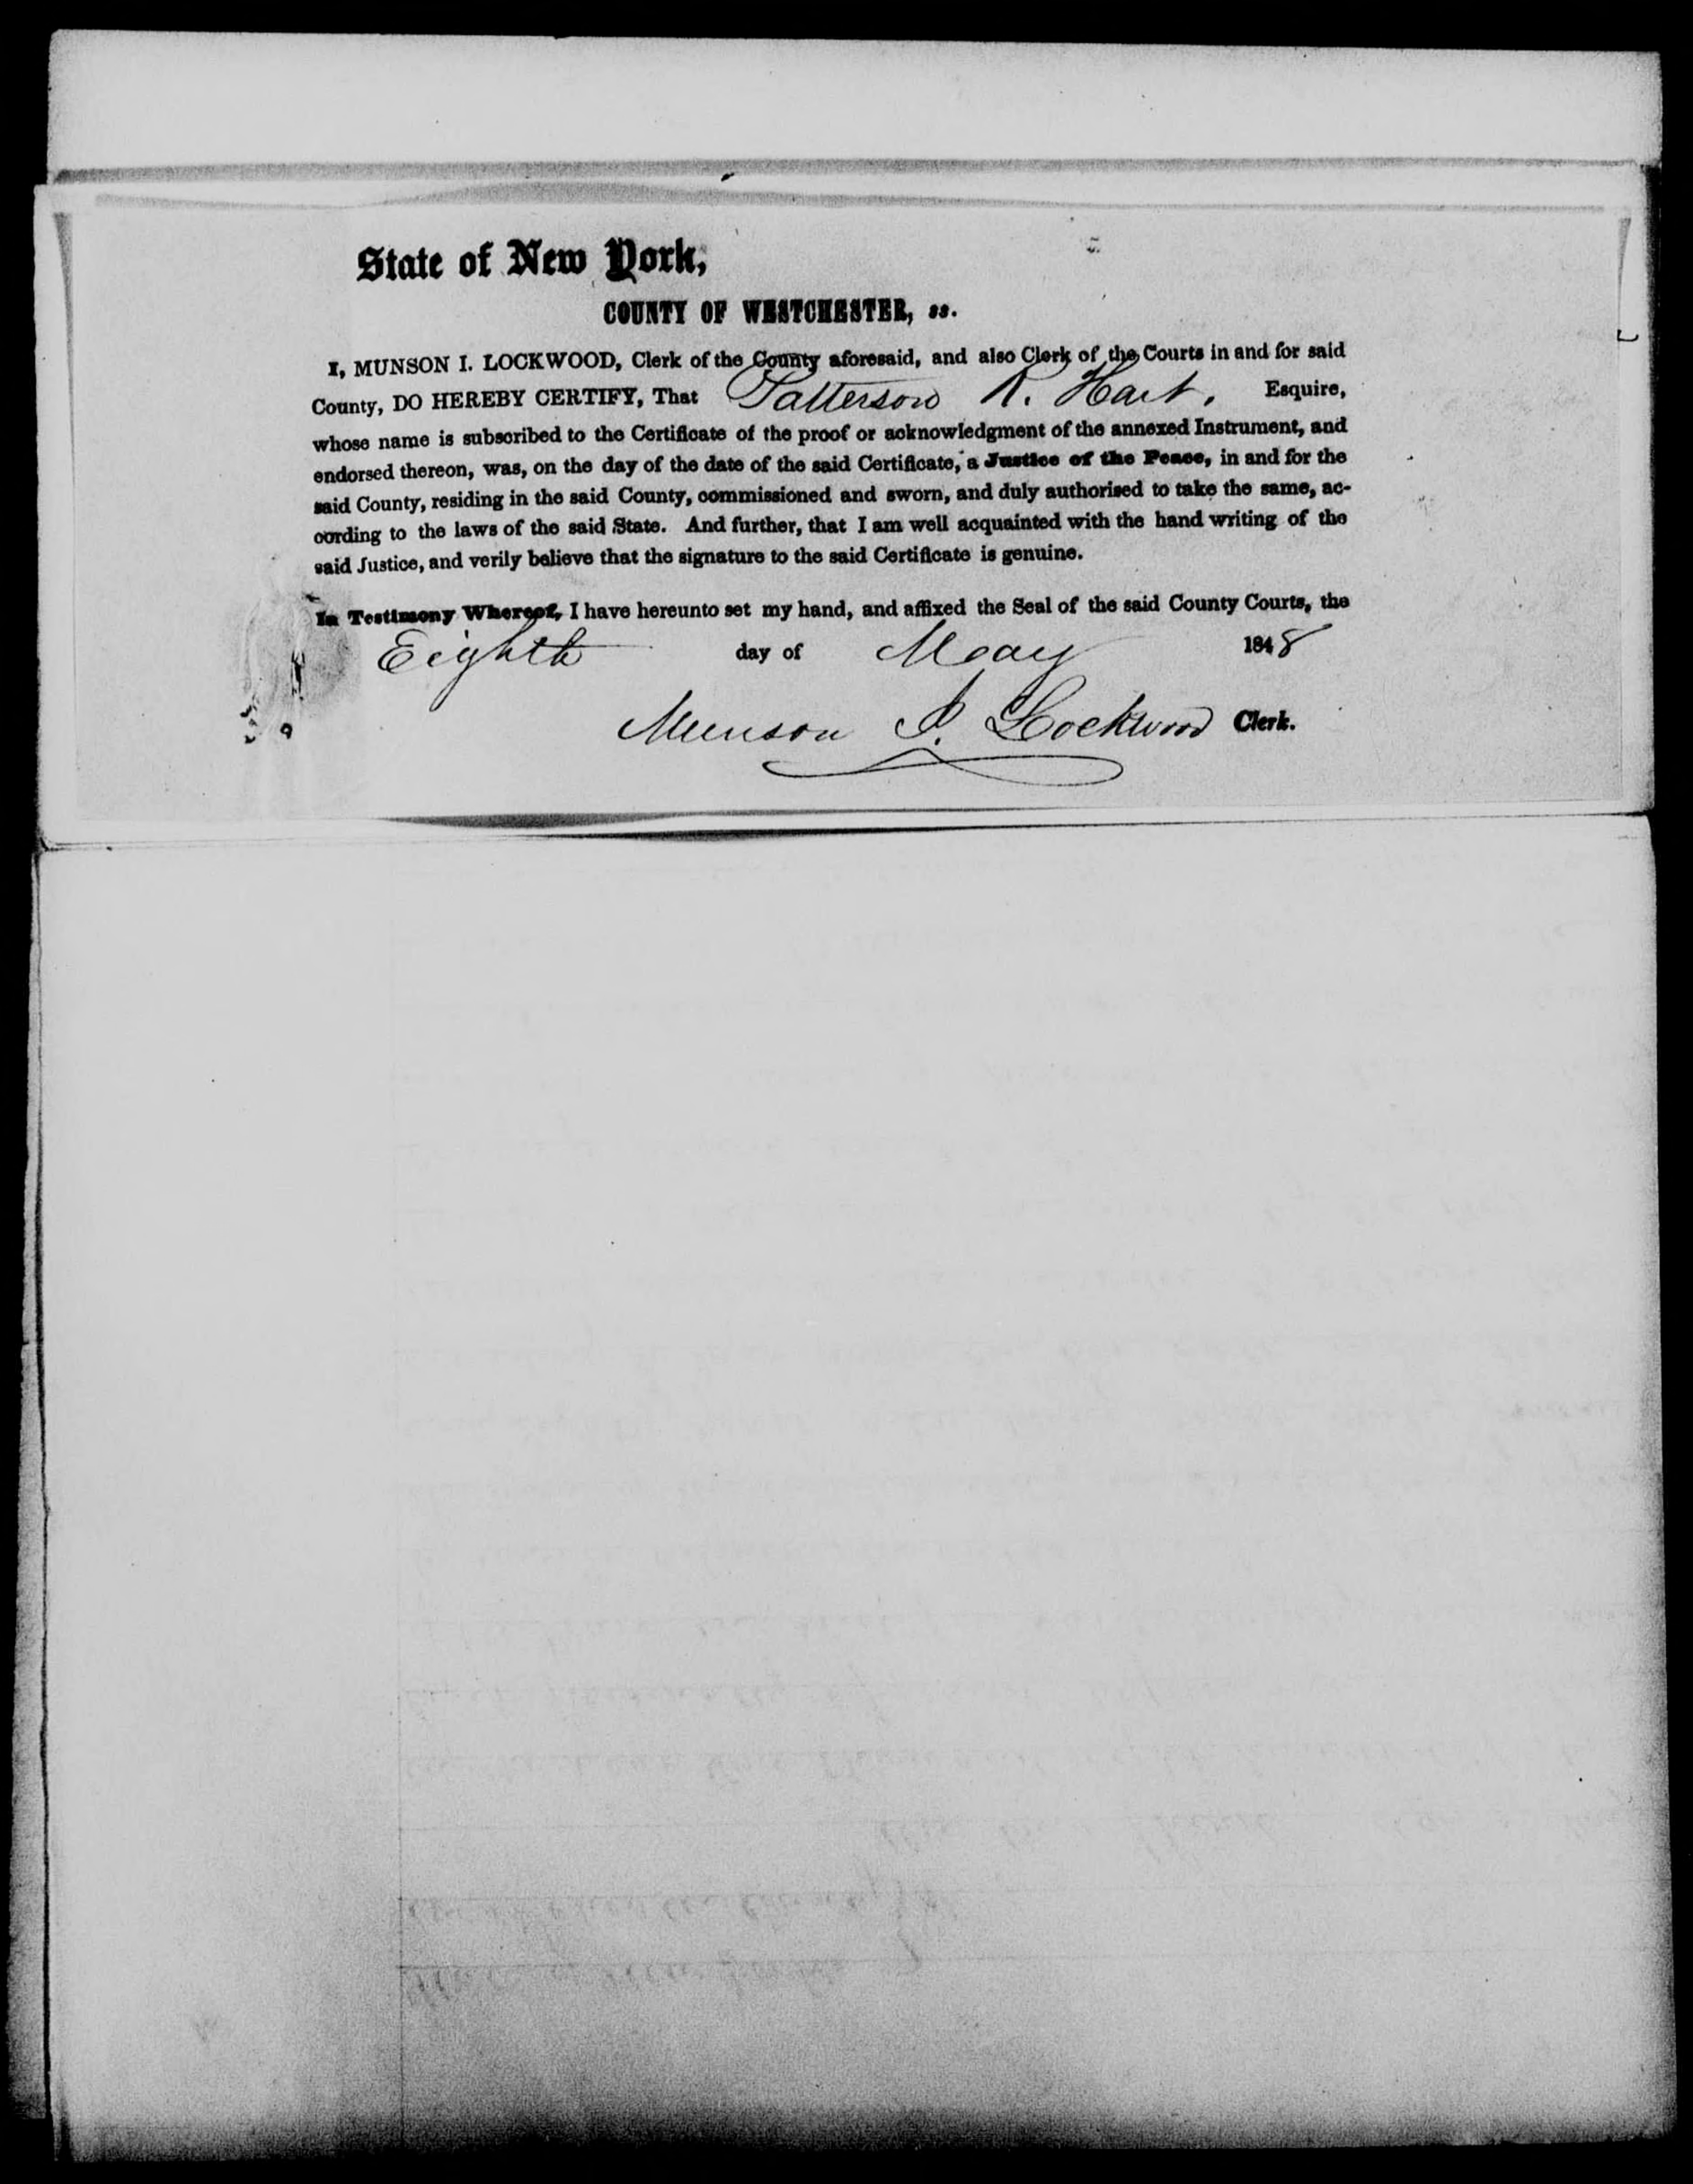State of New York,
COUNTY OF WESTCHESTER, ss.

I, MUNSON I. LOCKWOOD, Clerk of the County aforesaid, and also Clerk of the Courts in and for said County, DO HEREBY CERTIFY, That Patterson R Hart, Esquire, whose name is subscribed to the Certificate of the proof or acknowledgment of the annexed Instrument, and endorsed thereon, was, on the day of the date of the said Certificate, a Justice of the Peace, in and for the
said County, residing in the said County, commissioned and sworn, and duly authorized to take the same, according to the laws of the said State. And further, that I am well acquainted with the hand writing of the said Justice, and verily believe that the signature to the said Certificate is genuine.

In Testimony Whereof, I have hereunto set my hand, and affixed the Seal of the said County Courts, the Eighth day of May 1848

Munson I. Lockwood Clerk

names: Munson I Lockwood, Patterson R Hart, Munson I Lockwood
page: 24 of 40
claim: widow's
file: W. 24057, Cornelius De Revere, New York